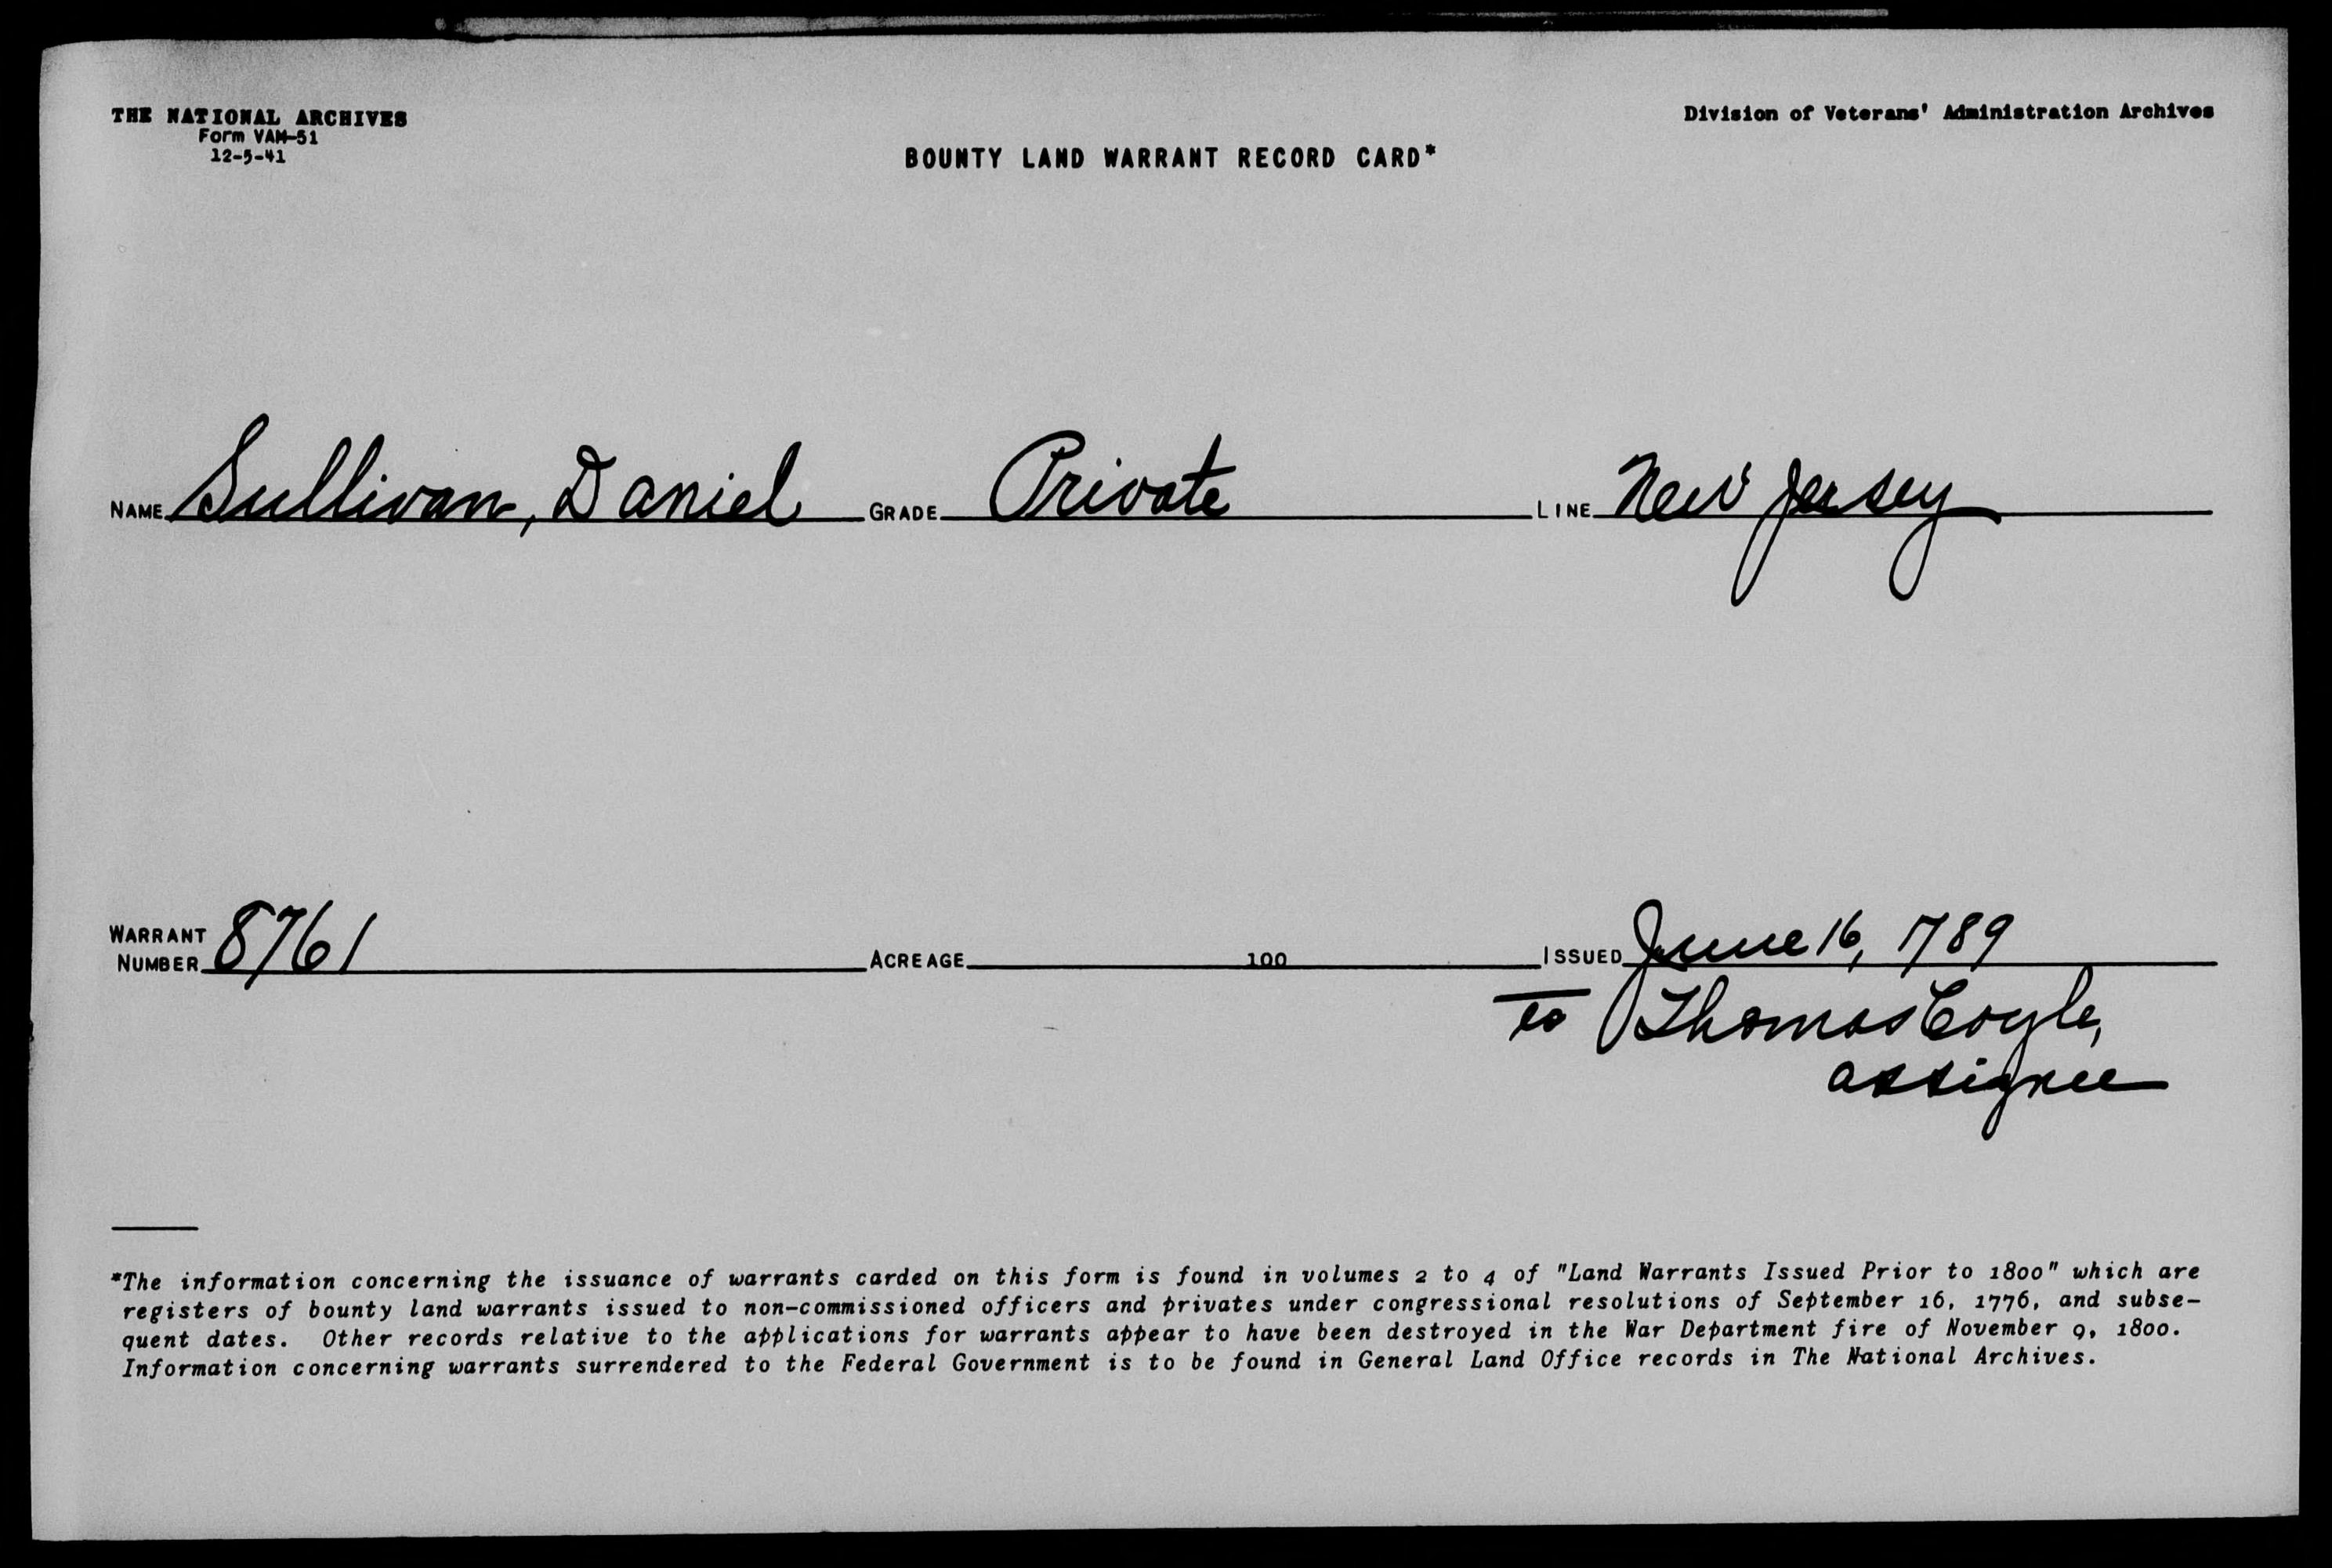[printed form, blanks filled by hand]

The National Archives 
Form VAM-51 
12-5-41 

Division of Veterans' Administration Archives

Bounty Land Warrant Record Card* 

NAME Sullivan, Daniel GRADE Private LINE New Jersey

WARRANT NUMBER 8761 ACREAGE 100 ISSUED June 16, 1789 to Thomas Coyle, assignee

*The information concerning the issuance of warrants carded on this form is found in volumes 2 to 4 of "Land Warrants Issued Prior to 1800" which are registers of bounty land warrants issued to non-commissioned officers and privates under congressional resolutions of September 16, 1776, and subsequent dates. Other records relative to the applications for warrants appear to have been destroyed in the War Department fire of November 9, 1800. Information concerning warrants surrendered to the Federal Government is to be found in General Land Office records in The National Archives.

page: 77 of 78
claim: widow's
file: W. 25,169, for Daniel Sullivan, Maryland